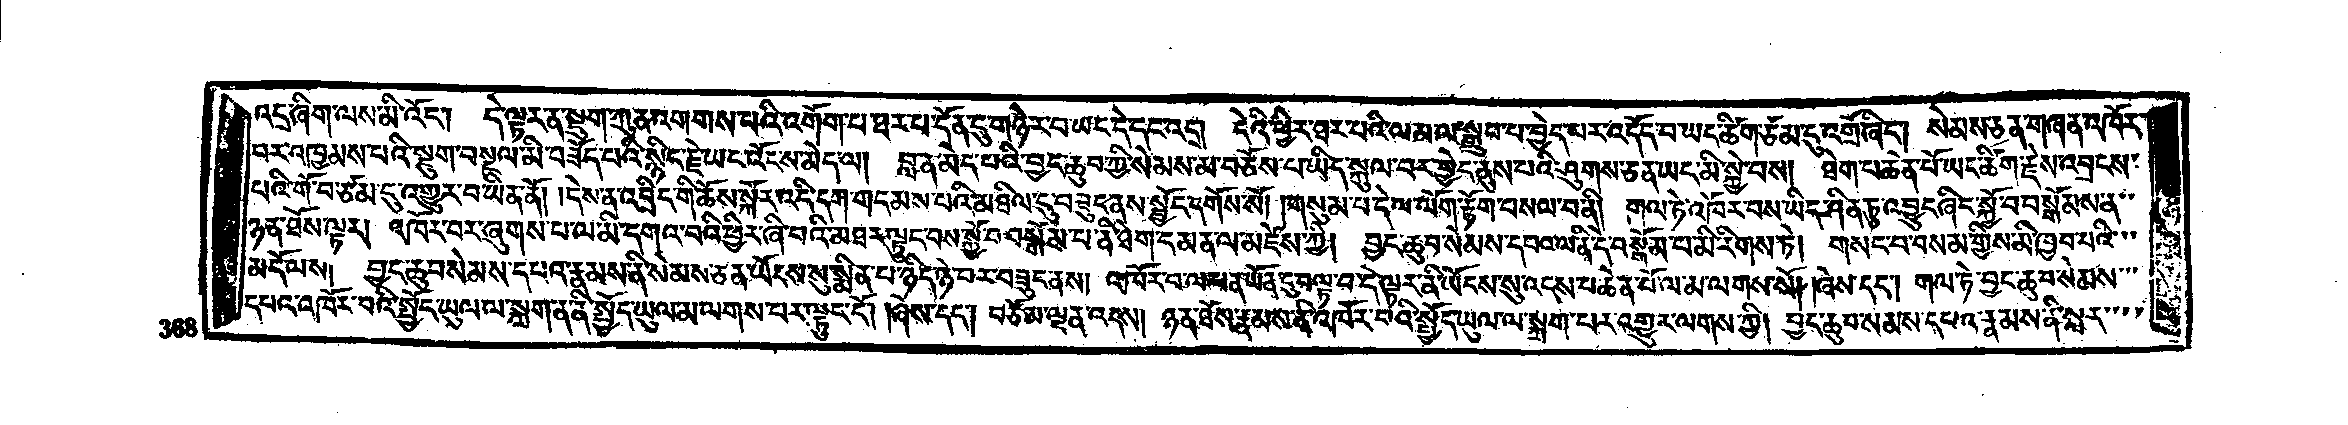འདྲ་ཞིག་ལས་མི་འོང་། དེ་ལྟར་ན་སྡུག་ཀུན་འགགས་པའི་འགོག་པ་ཐར་པ་དོན་དུ་གཉེར་བ་ཡང་དེ་དང་འདྲ། དེའི་ཕྱིར་ཐར་པའི་ལམ་ལ་སྒྲུབ་པ་བྱེད་པར་འདོད་པ་ཡང་ཚིག་ཙམ་དུ་འགྲོ་ཞིང་། སེམས་ཅན་གཞན་འཁོར་
བར་འཁྱམས་པའི་སྡུག་བསྔལ་མི་བཟོད་པའི་སྙིང་རྗེ་ཡང་འོང་ས་མེད་ལ། བླ་ན་མེད་པའི་བྱང་ཆུབ་ཀྱི་སེམས་མ་བཅོས་པ་ཡིད་སྐུལ་བར་བྱེད་ནུས་པའི་ཤུགས་ཅན་ཡང་མི་སྐྱེ་བས། ཐེག་པ་ཆེན་པོ་ཡང་ཚིག་རྗེས་འབྲངས་
པའི་གོ་བ་ཙམ་དུ་འགྱུར་བ་ཡིན་ནོ། །དེས་ན་འབྲིང་གི་ཆོས་སྐོར་འདི་དག་གདམས་པའི་མཐིལ་དུ་བཟུང་ནས་སྦྱོང་དགོས་སོ། །གསུམ་པ་དེ་ལ་ལོག་རྟོག་བསལ་བ་ནི། གལ་ཏེ་འཁོར་བས་ཡིད་ཤིན་ཏུ་འབྱུང་ཞིང་སྐྱོ་བ་བསྒོམས་ན་
ཉན་ཐོས་ལྟར། འཁོར་བར་ཞུགས་པ་ལ་མི་དགའ་བའི་ཕྱིར་ཞི་བའི་མཐར་ལྟུང་བས་སྐྱོ་བ་བསྒོམ་པ་ནི་ཐེག་དམན་ལ་མཛེས་ཀྱི། བྱང་ཆུབ་དཔའ་ལ་ནི་དེ་བསྒོམ་པ་མི་རིགས་ཏེ། གསང་བ་བསམ་གྱིས་མི་ཁྱབ་པའི་
མདོ་ལས། བྱང་ཆུབ་སེམས་དཔའ་རྣམས་ནི་སེམས་ཅན་ཡོངས་སུ་སྨིན་པ་ཉིད་ཉེ་བར་བཟུང་ནས། འཁོར་བ་ལ་ཕན་ཡོན་དུ་བལྟ་བ་དེ་ལྟར་ནི་ཡོངས་སུ་འདས་པ་ཆེན་པོ་ལ་མ་ལགས་སོ། །ཞེས་དང་། གལ་ཏེ་བྱང་ཆུབ་སེམས་
དཔའ་འཁོར་བའི་སྤྱོད་ཡུལ་ལ་སྐྲག་ན་ནི་སྤྱོད་ཡུལ་མ་ལགས་པར་ལྟུང་ངོ། །ཞེས་དང་། བཅོམ་ལྡན་འདས། ཉན་ཐོས་རྣམས་ནི་འཁོར་བའི་སྤྱོད་ཡུལ་ལ་སྐྲག་པར་འགྱུར་ལགས་ཀྱི། བྱང་ཆུབ་སེམས་དཔའ་རྣམས་ནི་སླར་